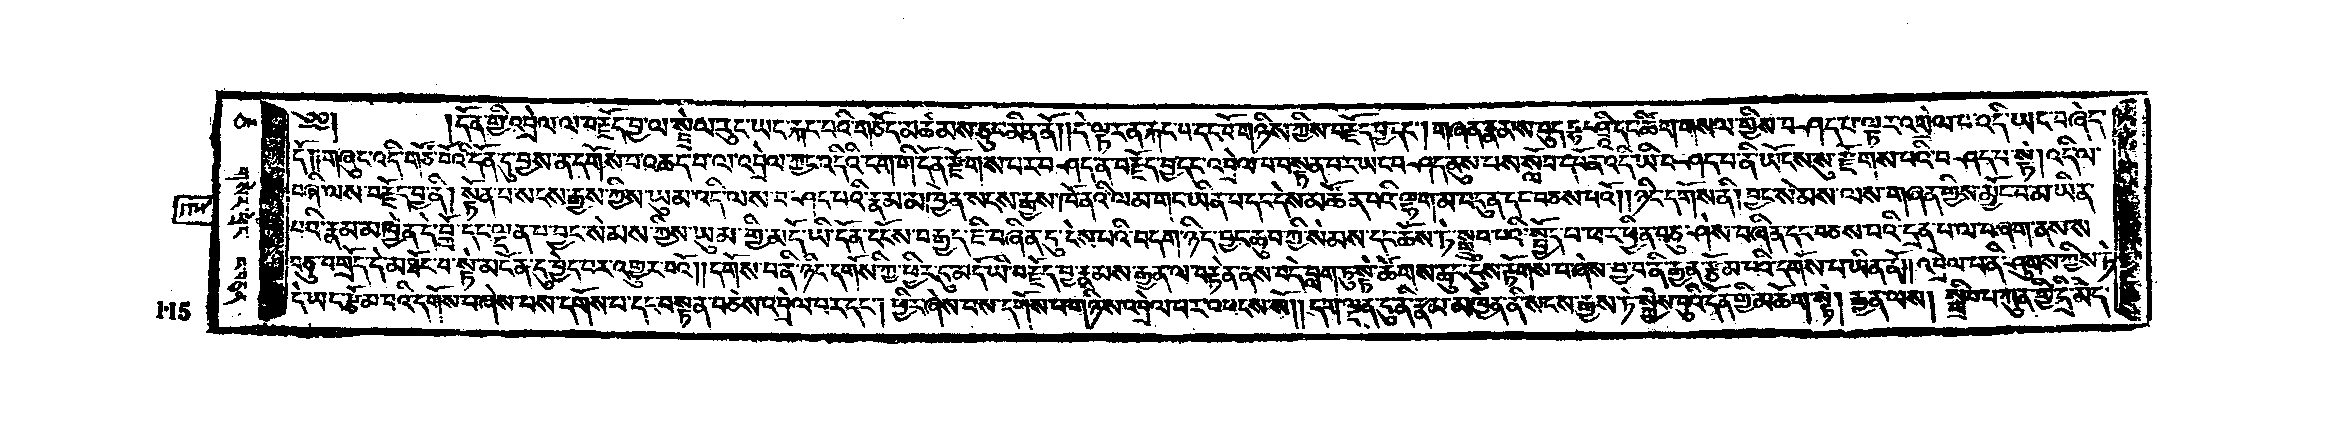༄༅། །དོན་གྱི་འབྲེལ་ལ་བརྗོད་བྱ་ལ་སྦྲེལ་རུང་ཡང་རྐང་པའི་གཅོད་མཚམས་ཅུང་མིན་ནོ། །དེ་ལྟར་ན་རྐང་པ་དང་པོ་གཉིས་ཀྱིས་བརྗོད་བྱ་དང་། གཞན་རྣམས་བུད་དྷ་ཤྲཱི་དང་ཚིག་གསལ་གྱིས་བཤད་པ་ལྟར་འགྲེལ་པ་འདི་ཡང་བཞེད་
དོ། །གཞུང་འདི་གཙོ་བོའི་དོན་དུ་བྱས་ན་དགོས་པ་འཆད་པ་ལ་འབྲེལ་ཀྱང་འདིའི་ངག་གི་དོན་རྫོགས་པར་བཤད་ན་བརྗོད་བྱ་དང་འབྲེལ་པ་བསྟན་པར་ཡང་བཤད་ནུས་པས་སློབ་དཔོན་འདི་ཡི་བཤད་པ་ནི་ཡོངས་སུ་རྫོགས་པའི་བཤད་པ་སྟེ། འདི་ལ་
བཞི་ལས་བརྗོད་བྱ་ནི། སྟོན་པ་སངས་རྒྱས་ཀྱིས་ཡུམ་འདི་ལས་བཤད་པའི་རྣམ་མཁྱེན་སངས་རྒྱས་ཁོ་ནའི་ལམ་གང་ཡིན་པ་དང་དེས་མཚོན་པའི་ལྷག་མ་བདུན་དང་བཅས་པའོ། །ཉིད་དགོས་ནི། བྱང་སེམས་ལས་གཞན་གྱིས་མྱོང་བ་མ་ཡིན་
པའི་རྣམ་མཁྱེན་དེ་བློ་དང་ལྡན་པ་བྱང་སེམས་ཀྱིས་ཡུམ་གྱི་མདོ་ཡི་དོན་དངོས་བརྒྱད་ཇི་བཞིན་དུ་ངེས་པའི་བདག་ཉིད་བྱང་ཆུབ་ཀྱི་སེམས་དང་ཆོས་ཏེ་སྒྲུབ་པའི་སྤྱོད་པ་ཕར་ཕྱིན་བཅུ་ཤེས་བཞིན་དང་བཅས་པའི་དྲན་པ་ལ་བཞག་ནས་ས་
བཅུ་བགྲོད་དེ་མཐོང་བ་སྟེ་མངོན་དུ་བྱེད་པར་འགྱུར་བའོ། །དགོས་པ་ནི་ཉིད་དགོས་ཀྱི་ཕྱིར་དུ་མདོ་ཡི་བརྗོད་བྱ་རྣམས་རྒྱན་ལ་བརྟེན་ནས་བདེ་བླག་ཏུ་སྟེ་ཚེགས་ཆུང་དུས་རྟོགས་པ་ཞེས་བྱ་བ་ནི་རྒྱན་རྩོམ་པའི་དགོས་པ་ཡིན་ནོ། །འབྲལ་པ་ནི་ཤུགས་ཀྱིས་ཏེ་
དེ་ཡང་རྩོམ་པའི་དགོས་པ་ཞེས་པས་དགོས་པ་དང་བསྟན་བཅོས་འབྲེལ་པར་དང་། ཕྱིར་ཞེས་པས་དགོས་པ་གཉིས་འབྲེལ་པར་འཕངས་སོ། །དག་ལྡན་དུ་ནི་རྣམ་མཁྱེན་ནི་སངས་རྒྱས་ཏེ་སྐྱེས་བུའི་དོན་གྱི་མཆོག་སྟེ། རྒྱན་ལས། སྒྲིབ་?་པ་ཀུན་གྱི་དྲི་མེད་